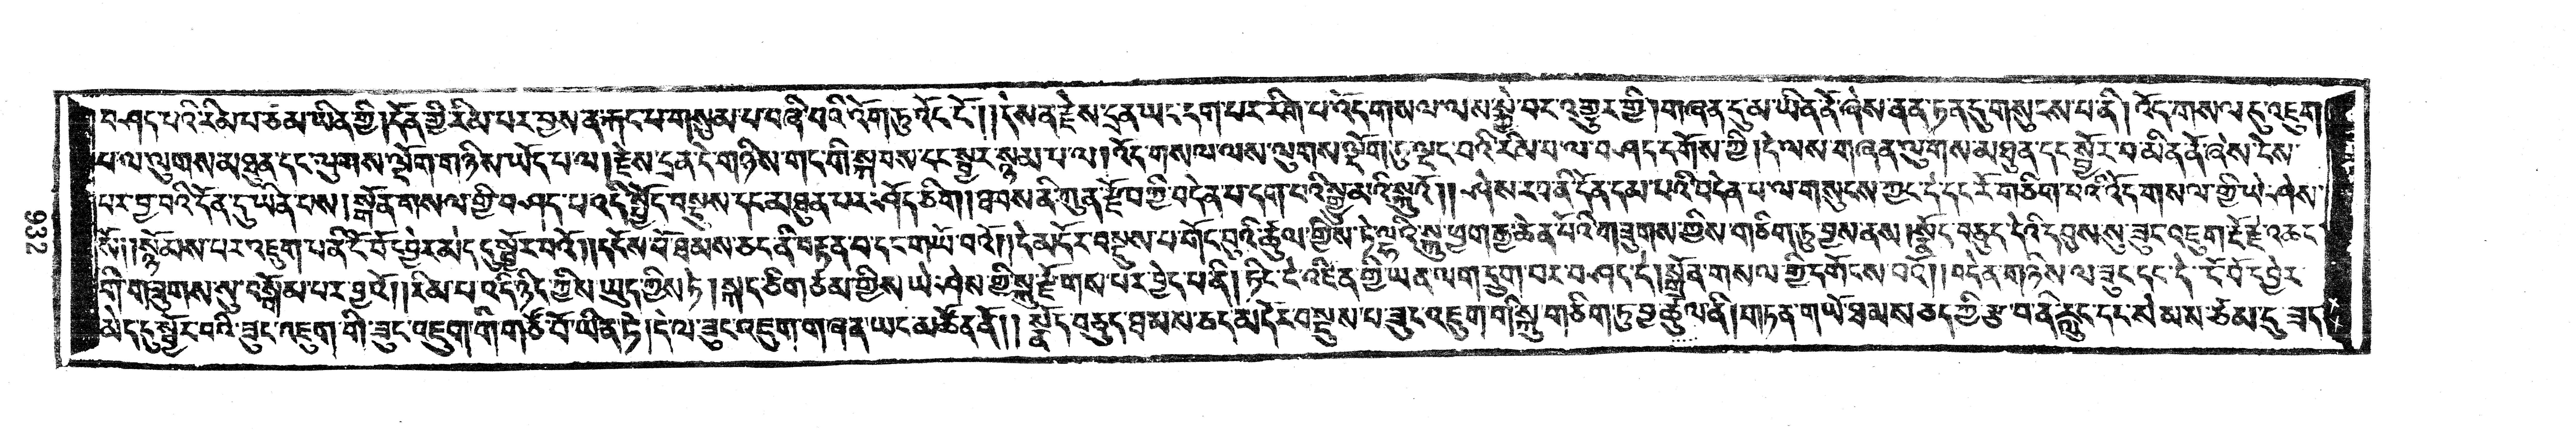བཤད་པའི་རིམ་པ་ཙམ་ཡིན་གྱི། དོན་གྱི་རིམ་པར་བྱས་ན་རྐང་པ་གསུམ་པ་བཞི་པའི་འོག་ཏུ་འོང་ངོ། །དེས་ན་རྗེས་དྲན་ཡང་དག་པར་རིག་པ་འོད་གསལ་ལས་སྐྱེ་བར་འགྱུར་གྱི། གཞན་དུ་མ་ཡིན་ནོ་ཞེས་ནན་ཏན་དུ་གསུངས་པ་ནི། འོད་གསལ་དུ་འཇུག་
པ་ལ་ལུགས་མཐུན་དང་ལུགས་ལྡོག་གཉིས་ཡོད་པ་ལ། རྗེས་དྲན་དེ་གཉིས་གང་གི་སྐབས་དང་སྦྱར་སྙམ་པ་ལ། འོད་གསལ་ལས་ལུགས་ལྡོག་ཏུ་ལྡང་བའི་རིམ་པ་ལ་བཤད་དགོས་ཀྱི། དེ་ལས་གཞན་ལུགས་མཐུན་དང་སྦྱོར་བ་མིན་ནོ་ཞེས་ངེས་
པར་བྱ་བའི་དོན་དུ་ཡིན་པས། སྒྲོན་གསལ་གྱི་བཤད་པ་འདི་སྤྱོད་བསྡུས་དང་མཐུན་པར་ཤོད་ཅིག །ཐབས་ནི་ཀུན་རྫོབ་ཀྱི་བདེན་པ་དག་པའི་སྒྱུ་མའི་སྐུའོ། །ཤེས་རབ་ནི་དོན་དམ་པའི་བདེན་པ་ལ་གསུངས་ཀྱང་དེ་དང་རོ་གཅིག་པའི་འོད་གསལ་གྱི་ཡེ་ཤེས་
སོ། །སྙམས་པར་འཇུག་པ་ནི་ངོ་བོར་དབྱེར་མེད་དུ་སྦྱོར་བའོ། །དངོས་པོ་ཐམས་ཅད་ནི་བརྟན་པ་དང་གཡོ་བའོ། །དེ་མདོར་བསྡུས་པ་གོང་བུའི་ཚུལ་གྱིས་ཏེ་ལྷའི་སྐུ་ཕྱག་རྒྱ་ཆེན་པོའི་གཟུགས་ཀྱིས་གཅིག་ཏུ་བྱས་ནས། སྣོད་བཅུད་དེའི་དབུས་སུ་ཟུང་འཇུག་རྡོ་རྗེ་འཆང་
གི་གཟུགས་སུ་བསྒོམ་པར་བྱའོ། །རིམ་པ་འདི་ཉིད་ཀྱིས་ཡུད་ཀྱིས་ཏེ། སྐད་ཅིག་ཙམ་གྱིས་ཡེ་ཤེས་ཀྱི་སྐུ་རྫོགས་པར་བྱེད་པ་ནི། ཏིང་ངེ་འཛིན་གྱི་ཡན་ལག་དྲུག་པར་བཤད་དེ། སྒྲོན་གསལ་གྱི་དགོངས་པའོ། །བདེན་གཉིས་ལ་ཟུང་དང་དེ་ངོ་བོ་དབྱེར་
མེད་དུ་སྦྱོར་བའི་ཟུང་འཇུག་གི་ཟུང་འཇུག་གི་གཙོ་བོ་ཡིན་ཏེ། དེས་ཟུང་འཇུག་གཞན་ཡང་མཚོན་ནོ། །སྣོད་བཅུད་ཐམས་ཅད་མདོར་བསྡུས་པ་ཟུང་འཇུག་གི་སྐུ་གཅིག་ཏུ་བྱ་ཚུལ་ནི། བརྟན་གཡོ་ཐམས་ཅད་ཀྱི་རྩ་བ་ནི་རླུང་དང་སེམས་ཙམ་དུ་ཟད་